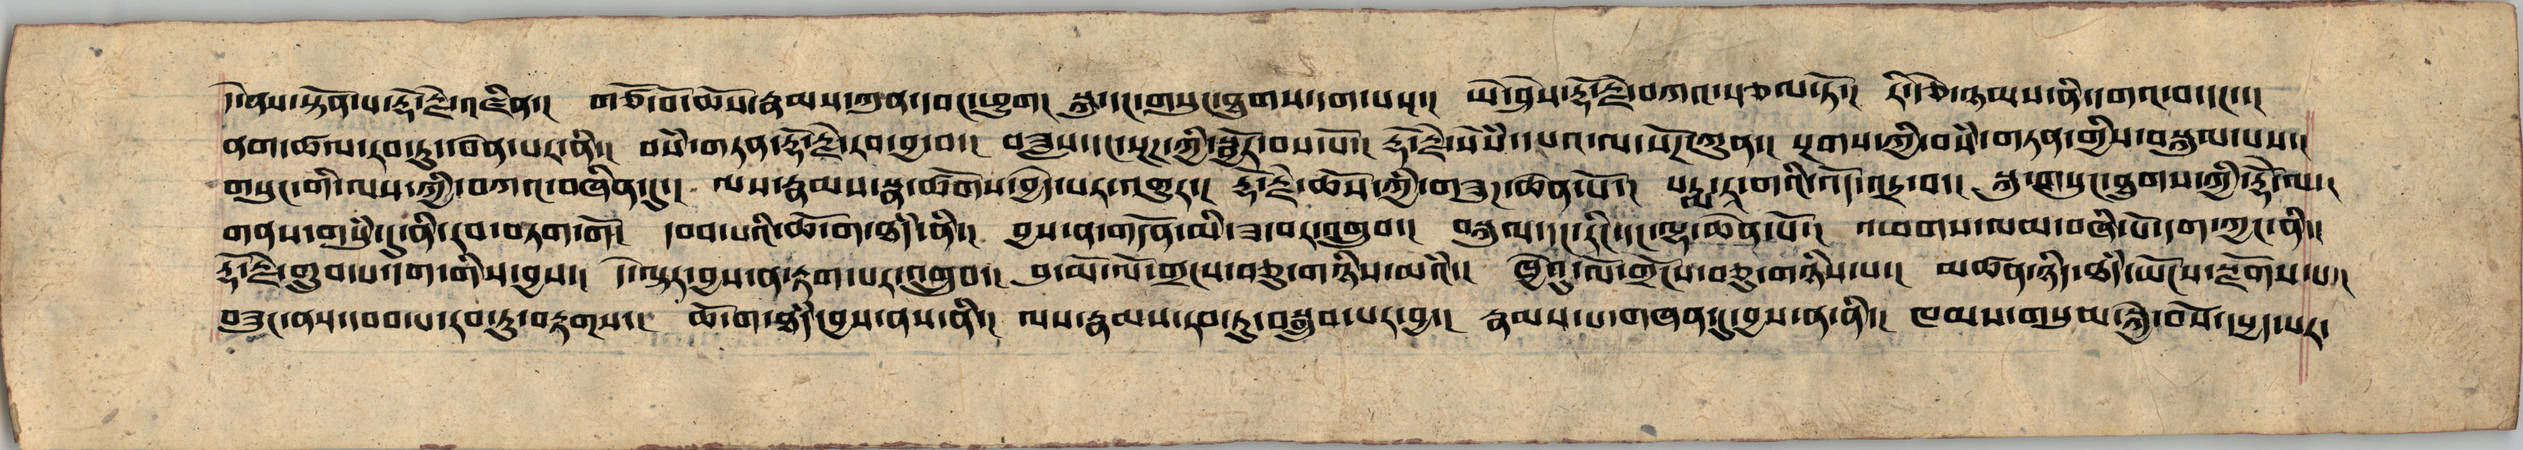དེ་ནས་སྟོན་པ་རྡོ་རྗེ་འཛིན་། གཙོ་བོ་ཆོས་རྣམས་ཀུན་དབང་ཕྱུག། སྐུ་དང་གསུང་ཐུགས་དག་པས་། ཡེ་ཤེས་རྡོ་རྗེ་བཀའ་སྩལ་ཏོ་། རི་རྩེ་ཉམས་ནི་དགའ་བ་དང་་།
ནག་ཚལ་རབ་ཏུ་དབེན་པར་ནི་། བསཾ་གཏན་རྡོ་རྗེ་རབ་བྱ་བ་། བཟླས་དང་སྔཌ་ཀྱི་སྦྱོར་བས་སོ་། རྡོ་རྗེ་སེཾས་དཔའ་ལ་སོཌ་ཀུན་། སྔགས་ཀྱི་བསཾ་གཏན་གྱིས་བསྐུལ་པས་།
གསུང་གི་ལས་ཀྱི་བཀའ་བཞིན་དུ་། ལས་རྣམས་སྣ་ཚོགས་བྱེད་པར་འགྱུར་། རྡོ་རྗེ་ཆོས་ཀྱི་གཟུཌ་ཆེན་པོ་། པདྨ་རཱ་གའི་འོད་འདྲ་བ་། སྐུ་གསུང་ཐུགས་ཀྱི་རྡོེ་ལ་།
གནས་གསུཾ་དུ་ནི་རབ་བཏག་གོ། དབབ་པའི་ཆོ་ག་ཐཾད་ནི་། བྱས་ན་གདོན་མི་ཟ་བར་འགྲུབ་། བསྐུལ་དང་རིང་དང་ལྷ་ཆེན་པོ་། འཕགས་ལམ་བཞི་པོ་དག་ཀྱང་ནི་།
རྡོ་རྗེ་གྲུབ་པ་དག་གིས་བྱས་། དེ་ལྟར་བྱས་ན་རྟག་པར་འགྲུབ་། བུ་མོ་ལོ་གྲངས་བཅུ་གཉིས་མའི་། ཁྱེའུ་ལོ་གྲངས་བཅུ་གཉིས་པ་། མཚན་ཉིད་ཐཾད་ཡོངས་སྫོགས་པ་།
བཟུང་ནས་དབབ་པ་རབ་ཏུ་བརྟགས་། ཆོ་ག་ཐཾད་བྱས་ནས་ནི་། ལས་རྣམས་རབ་ཏུ་བསྒྲུབ་པར་བྱ་། རྣམས་པ་གཞན་དུ་བྱས་ན་ནི་། ཁམས་གསུམ་སྐྱེ་བོས་དཔྱད་པར་